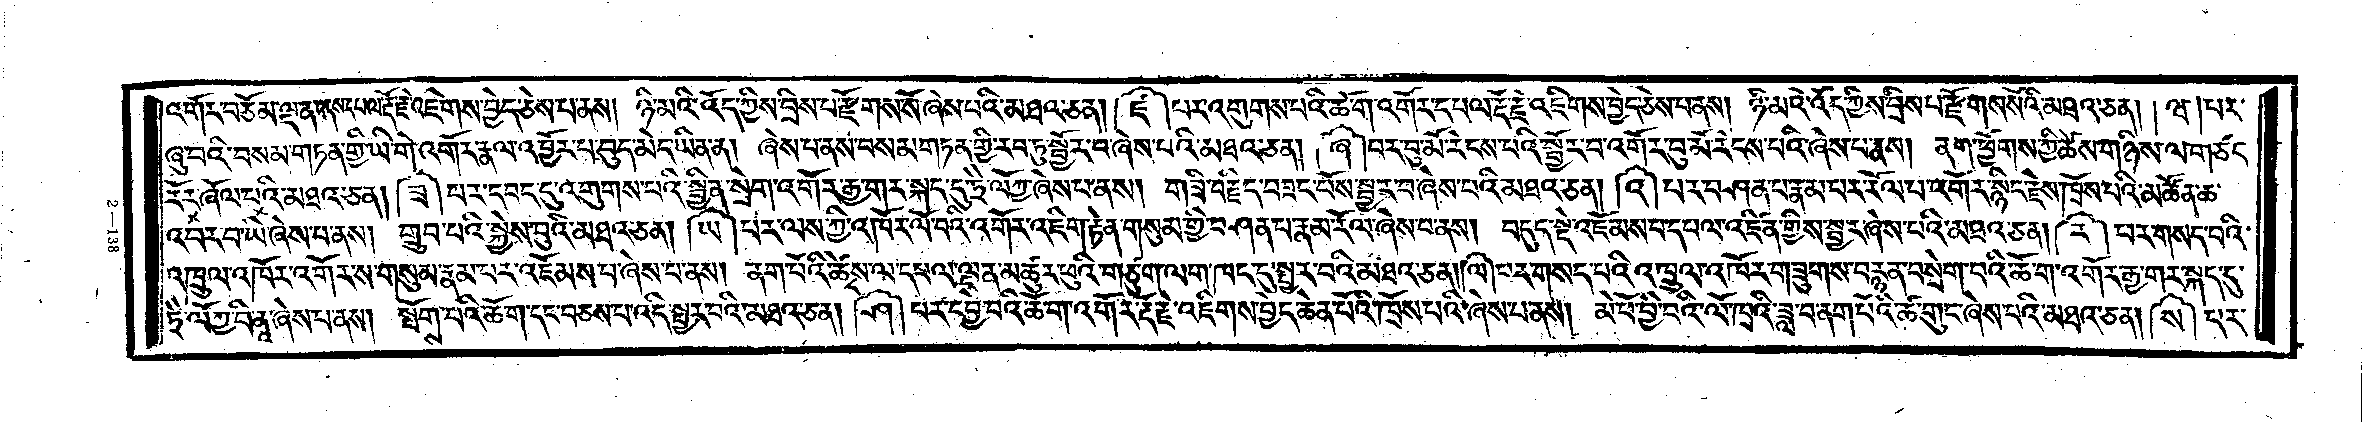འགོར་བཅོམ་ལྡན་འདས་དཔལ་རྡོ་རྗེ་འཇིགས་བྱེད་ཅེས་པ་ནས། ཉི་མའི་འོད་ཀྱིས་བྲིས་པ་རྫོགས་སོ་ཞེས་པའི་མཐའ་ཅན། ༼ཛ༽ པར་འགུགས་པའི་ཆོ་ག་འགོར་དཔལ་རྡོ་རྗེ་འཇིགས་བྱེད་ཅེས་པ་ནས། ཉི་མའི་འོད་ཀྱིས་བྲིས་པ་རྫོགས་སོའི་མཐའ་ཅན། །ཝ། པར་
ཞུ་བའི་བསམ་གཏན་གྱི་ཡི་གེ་འགོར་རྣལ་འབྱོར་པ་བུད་མེད་ཡིན་ན། ཞེས་པ་ནས་བསམ་གཏན་གྱི་རབ་ཏུ་སྦྱོར་བ་ཞེས་པའི་མཐའ་ཅན། ༼ཞ༽ པར་བུ་མོ་རེངས་པའི་སྦྱོར་བ་འགོར་བུ་མོ་རེངས་པའི་ཞེས་པ་ནས། ནག་ཕྱོགས་ཀྱི་ཚེས་གཉིས་ལ་གཙང་
རོར་ཞོལ་པའི་མཐའ་ཅན། ༼ཟ༽ པར་དབང་དུ་འགུགས་པའི་སྦྱིན་སྲེག་འགོར་རྒྱ་གར་སྐད་དུ་ཏྲཻ་ལོཀྱ་ཞེས་པ་ནས། གཟི་བརྗིད་བཟང་པོས་སྦྱར་བ་ཞེས་པའི་མཐའ་ཅན། ༼འ༽ པར་བཤན་པ་རྣམ་པར་རོལ་པ་འགོར་སྙིང་རྗེས་ཁྲོས་པའི་མཚོན་ཆ་
འབར་བ་ཡི་ཞེས་པ་ནས། གྲུབ་པའི་སྐྱེས་བུའི་མཐའ་ཅན། ༼ཡ༽ པར་ལས་ཀྱི་འཁོར་ལོ་བའི་འགོར་འཇིག་རྟེན་གསུམ་གྱི་བཤན་པ་རྣམ་རོལ་ཞེས་པ་ནས། བདུད་སྡེ་འཇོམས་པ་དཔལ་འཛིན་གྱིས་སྦྱར་ཞེས་པའི་མཐའ་ཅན། ༼ར༽ པར་གསད་པའི་
འཁྲུལ་འཁོར་འགོར་ས་གསུམ་རྣམ་པར་འཇོམས་པ་ཞེས་པ་ནས། ནག་པོའི་ཚེས༨་ལ་དཔལ་ལྡན་མཚུར་ཕུའི་གཙུག་ལག་ཁང་དུ་སྦྱར་བའི་མཐའ་ཅན། ༼ལ༽ པར་གསད་པའི་འཁྲུལ་འཁོར་གཟུགས་བརྙན་བསྲེག་པའི་ཆོ་ག་འགོར་རྒྱ་གར་སྐད་དུ་
ཏྲཻ་ལོཀྱ་བི་ནཱ་ཞེས་པ་ནས། སྤོགས་པའི་ཆོ་ག་དང་བཅས་པ་འདི་སྦྱར་པའི་མཐའ་ཅན། ༼ཤ༽ པར་དབྱེ་བའི་ཆོ་ག་འགོར་རྡོ་རྗེ་འཇིགས་བྱེད་ཆེན་པོའི་ཁྲོས་པའི་ཞེས་པ་ནས། མེ་པོ་བྱི་བའི་ལོ་ཁྲའི་ཟླ་བ་ནག་པོའི་ཚ་གུང་ཞེས་པའི་མཐའ་ཅན། ༼ས༽ པར་